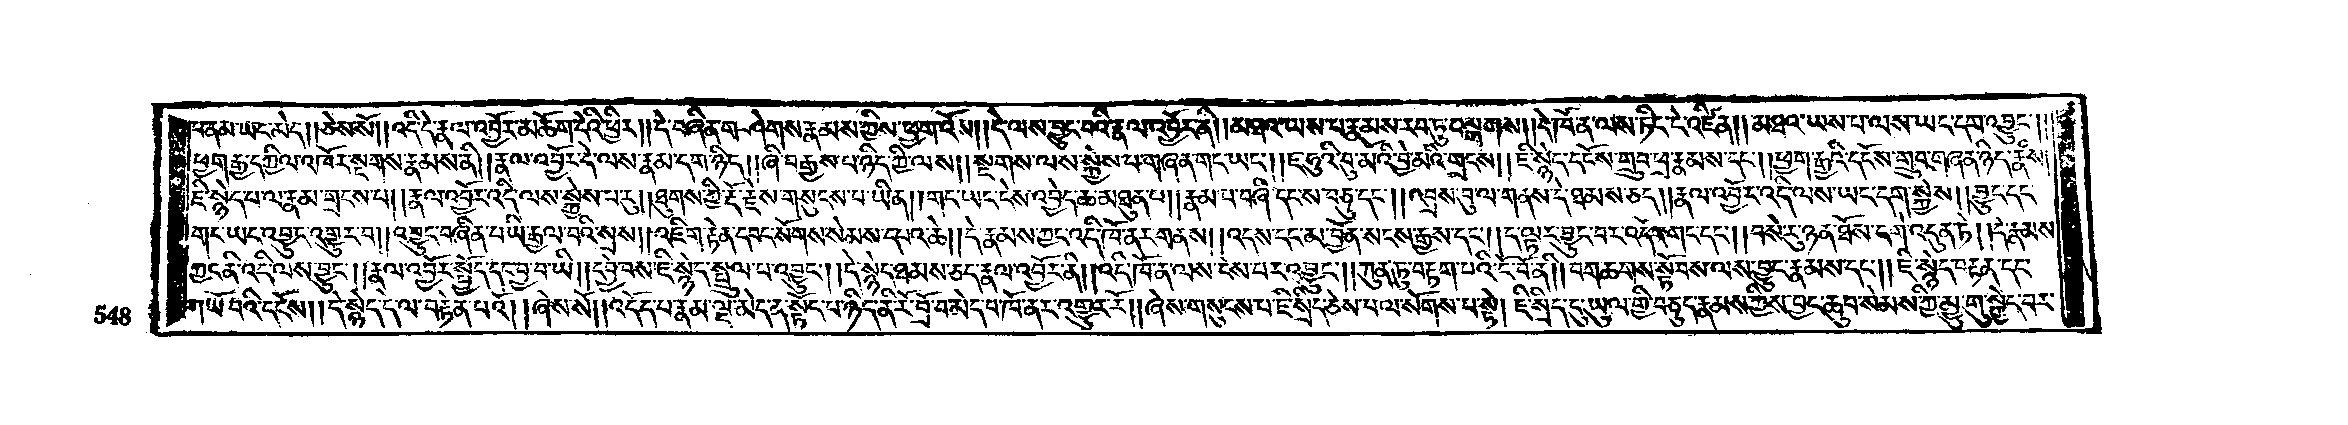པ་ནམ་ཡང་མེད། །ཅེས་སོ། །འདི་དེ་རྣལ་འབྱོར་མཆོག་དེའི་ཕྱིར། །དེ་བཞིན་གཤེགས་རྣམས་ཀྱིས་ཕྱག་འོས། །དེ་ལས་བྱུང་བའི་རྣལ་འབྱོར་ནི། །མཐའ་ཡས་པ་རྣམས་རབ་ཏུ་བསྒགས། །དེ་ཁོ་ན་ལས་ཏིང་ངེ་འཛིན། །མཐའ་ཡས་པ་ལས་ཡང་དག་འབྱུང་། །
ཕྱག་རྒྱ་དཀྱིལ་འཁོར་སྔགས་རྣམས་ནི། །རྣལ་འབྱོར་དེ་ལས་རྣམ་དག་ཉིད། །ཞི་བརྒྱས་པ་ཉིད་ཀྱི་ལས། །སྔགས་ལས་སྐྱེས་པ་གཞན་གང་ཡང་། །ཇ་ཧུའི་བུ་མོའི་བྱེ་མའི་གྲངས། །ཇི་སྙེད་དངོས་གྲུབ་ཕྲ་རྣམས་དང་། །ཕྱག་རྒྱའི་དངོས་གྲུབ་གཞན་ཉིད་རྣམས།
ཇི་སྙེད་པ་ལ་རྣམ་གྲངས་པ། །རྣལ་འབྱོར་འདི་ལས་སྐྱེས་པ་རུ། །ཐུགས་ཀྱི་རྡོ་རྗེས་གསུངས་པ་ཡིན། །གང་ཡང་ངེས་འབྱེད་ཆ་མཐུན་པ། །རྣམ་པ་བཞི་དང་ས་བཅུ་དང་། །འབྲས་བུ་ལ་གནས་དེ་ཐམས་ཅད། །རྣལ་འབྱོར་འདི་ལས་ཡང་དག་སྐྱེས། །བྱུང་དང་
གང་ཡང་འབྱུང་འགྱུར་བ། །འབྱུང་བཞིན་པ་ཡི་རྒྱལ་བའི་སྲས། །འཇིག་རྟེན་དབང་སོགས་སེམས་དཔའ་ཆེ། །དེ་རྣམས་ཀྱང་འདི་ཁོ་ནར་གནས། །འདས་དང་མ་བྱོན་སངས་རྒྱས་དང་། །ད་ལྟར་བྱུང་བར་འདོད་གང་དང་། །བསེ་རུ་ཉན་ཐོས་དགེ་འདུན་ཏེ། །དེ་རྣམས་
ཀྱང་ནི་འདི་ལས་བྱུང་། །རྣལ་འབྱོར་སྤྱོད་དང་བྱ་བ་ཡི། །དབྱེ་བས་ཇི་སྙེད་སྤྲུལ་པ་འབྱུང་། །དེ་སྙེད་ཐམས་ཅད་རྣལ་འབྱོར་ནི། །འདི་ཁོ་ན་ལས་ངེས་པར་འབྱུང་། །ཀུན་ཏུ་བརྟག་པའི་ངོ་བོ་ནི། །བག་ཆགས་སྟོབས་ལས་བྱུང་རྣམས་དང་། །ཇི་སྙེད་བརྟན་དང་
གཡོ་བའི་དངོས། །དེ་སྙེད་དེ་ལ་བརྟེན་པའོ། །ཞེས་སོ། །འདོད་པ་རྣམ་ལྔ་མེད་ན་སྟོང་པ་ཉིད་ནི་རོ་བྲོ་བ་མེད་པ་ཁོ་ནར་འགྱུར་རོ། །ཞེས་གསུངས་པ་ཇི་སྲིད་ཅེས་པ་ལ་སོགས་པ་སྟེ། ཇི་སྲིད་དུ་ཡུལ་གྱི་བཅུད་རྣམས་ཀྱིས་བྱང་ཆུབ་སེམས་ཀྱི་མྱུ་གུ་སྐྱེད་བར་